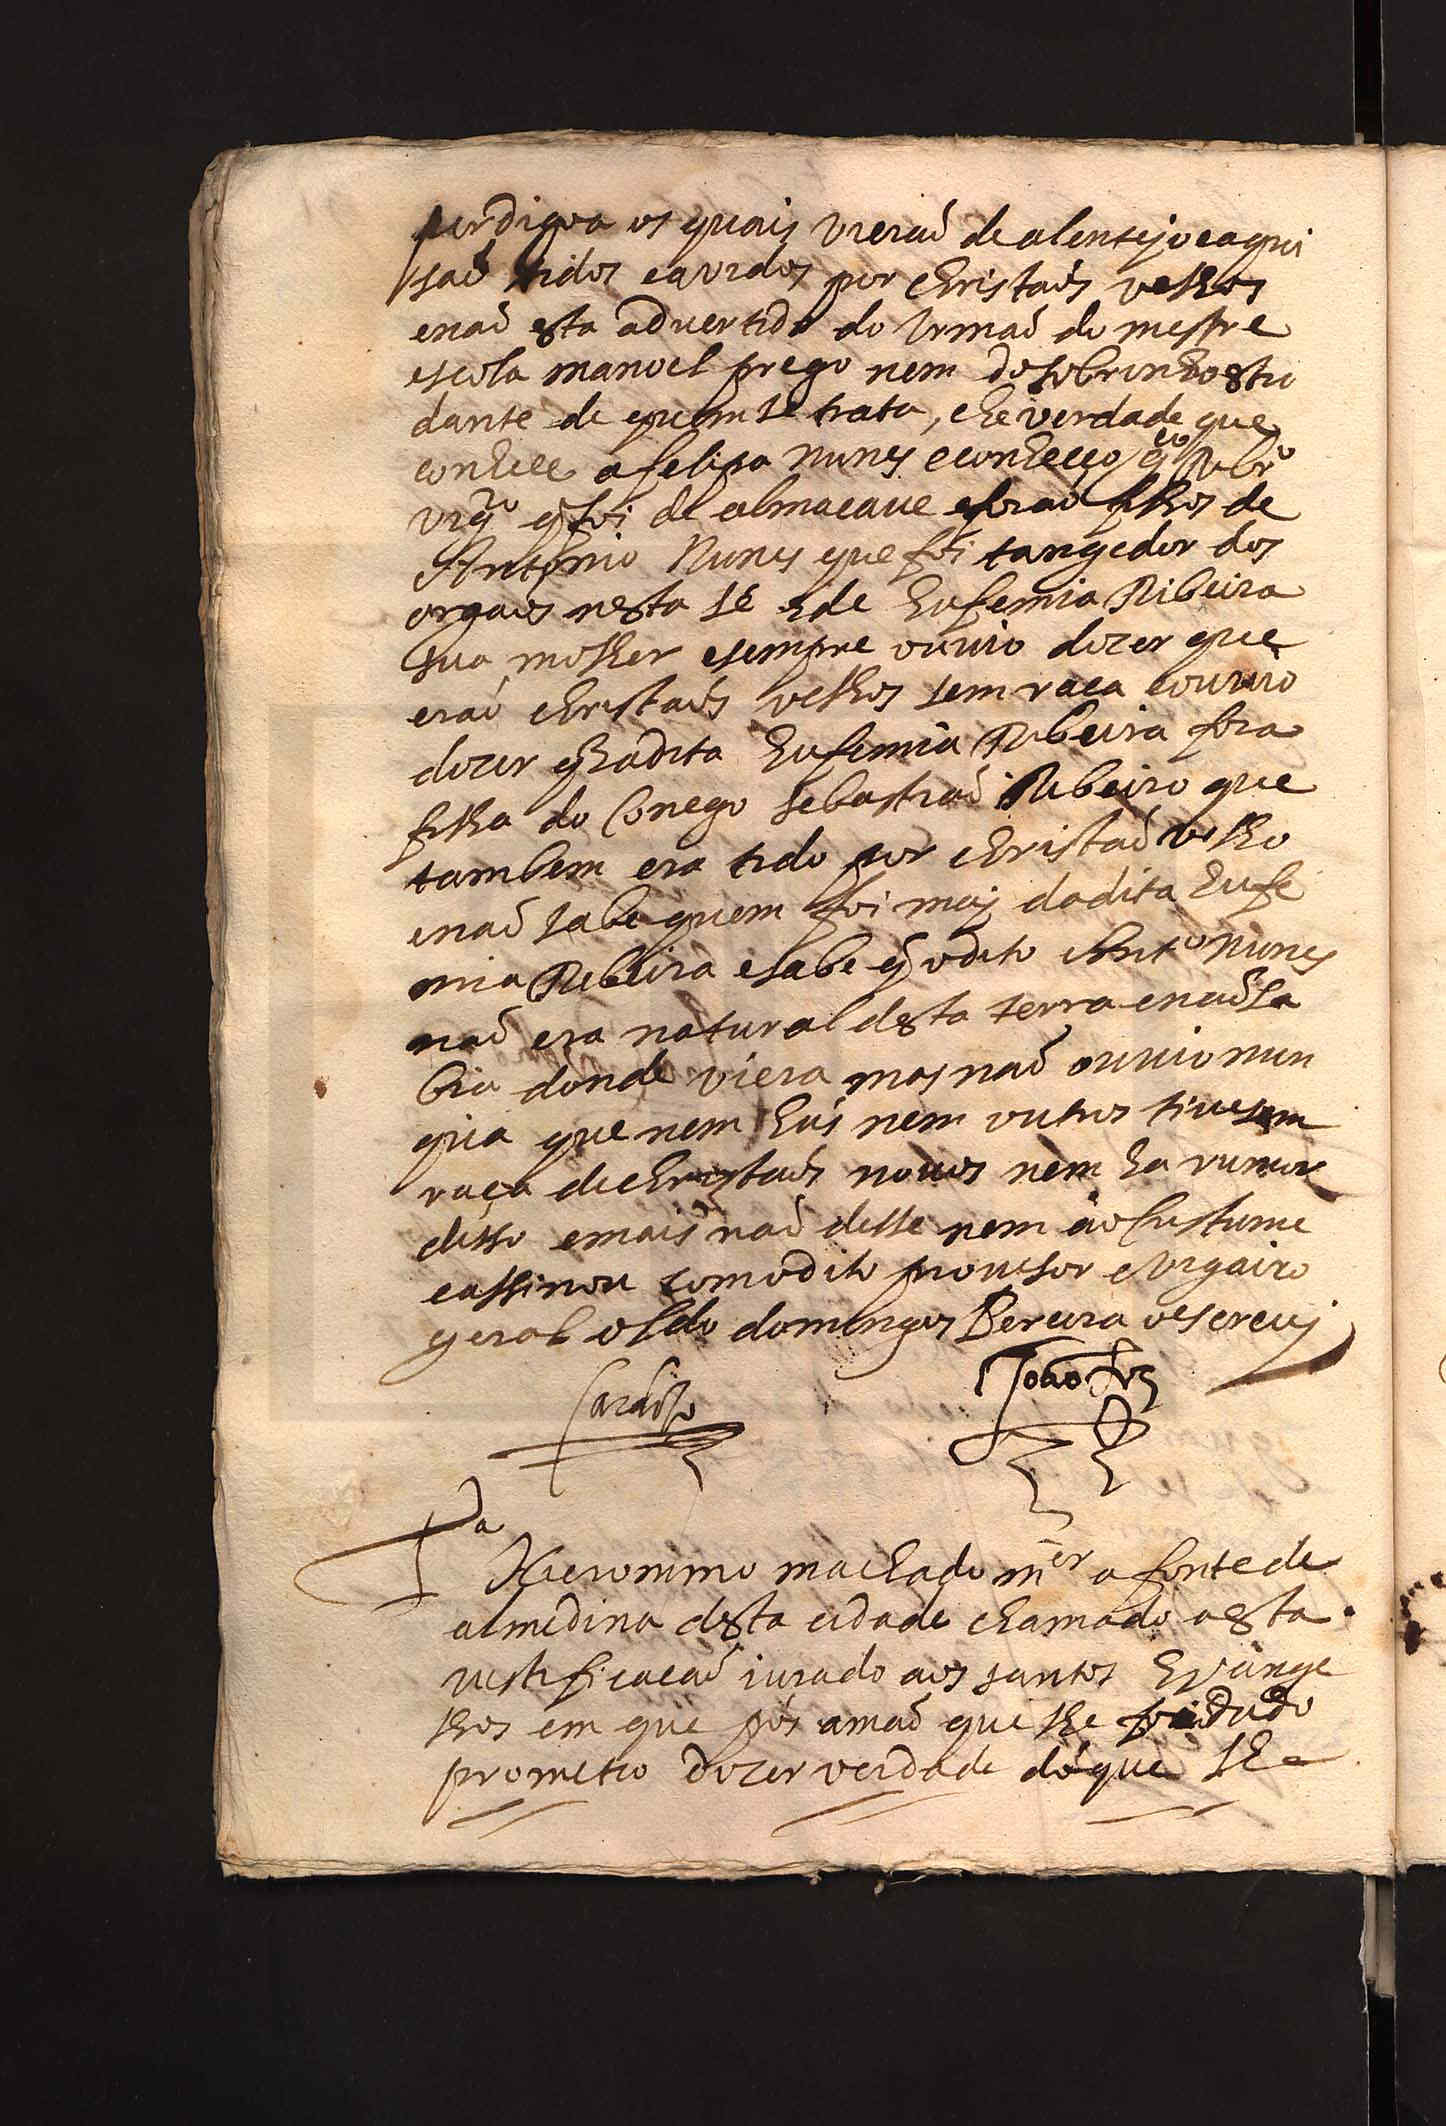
perdigoa os quais vieraõ de alentejo e aqui
saõ tidos e avidos por christaõs velhos
e naõ esta aduertido do Irmaõ do mestre
escola manoel prego nem do sobrinho estu
dante de quem se trata, e he verdade que
conhece a felipa nunes e conheceo gço Ribro
vigro q̄ foi de almacaue e foraõ filhos de
Antonio Nunes que foi tangedor dos
orgaõs nesta Sé E de Eufemia Ribeira
sua molher e sempre ouuio dizer que
eraõ christaõ velhos sem raça e ouuio
dizer q̄ a dita Eufemia Ribeira fora
filha do Conego sebastiaõ Ribeiro que
tambem era tido por christaõ velho
e naõ sabe quem foi maj da dita Eufe
mia Ribeira e sabe q̄ o dito Anto nunes
naõ era natural desta terra e naõ sa
bia donde viera mas naõ ouuio nun
qua que nem hūs nem outros tiuesem
raça de christaõs nouos nem ha rumor
disso e mais naõ disse nem ao Custume
e assinou com o dito prouisor e vigairo
geral o Ldo domingos Pereira o escreuj
Ta Hieronimo machado mor a fonte de
almedina desta cidade chamado a esta
iustificacaõ iurado aos santos Evange
lhos em que pōs a maõ que lhe foi dado
prometeo dizer verdade do que lhe
